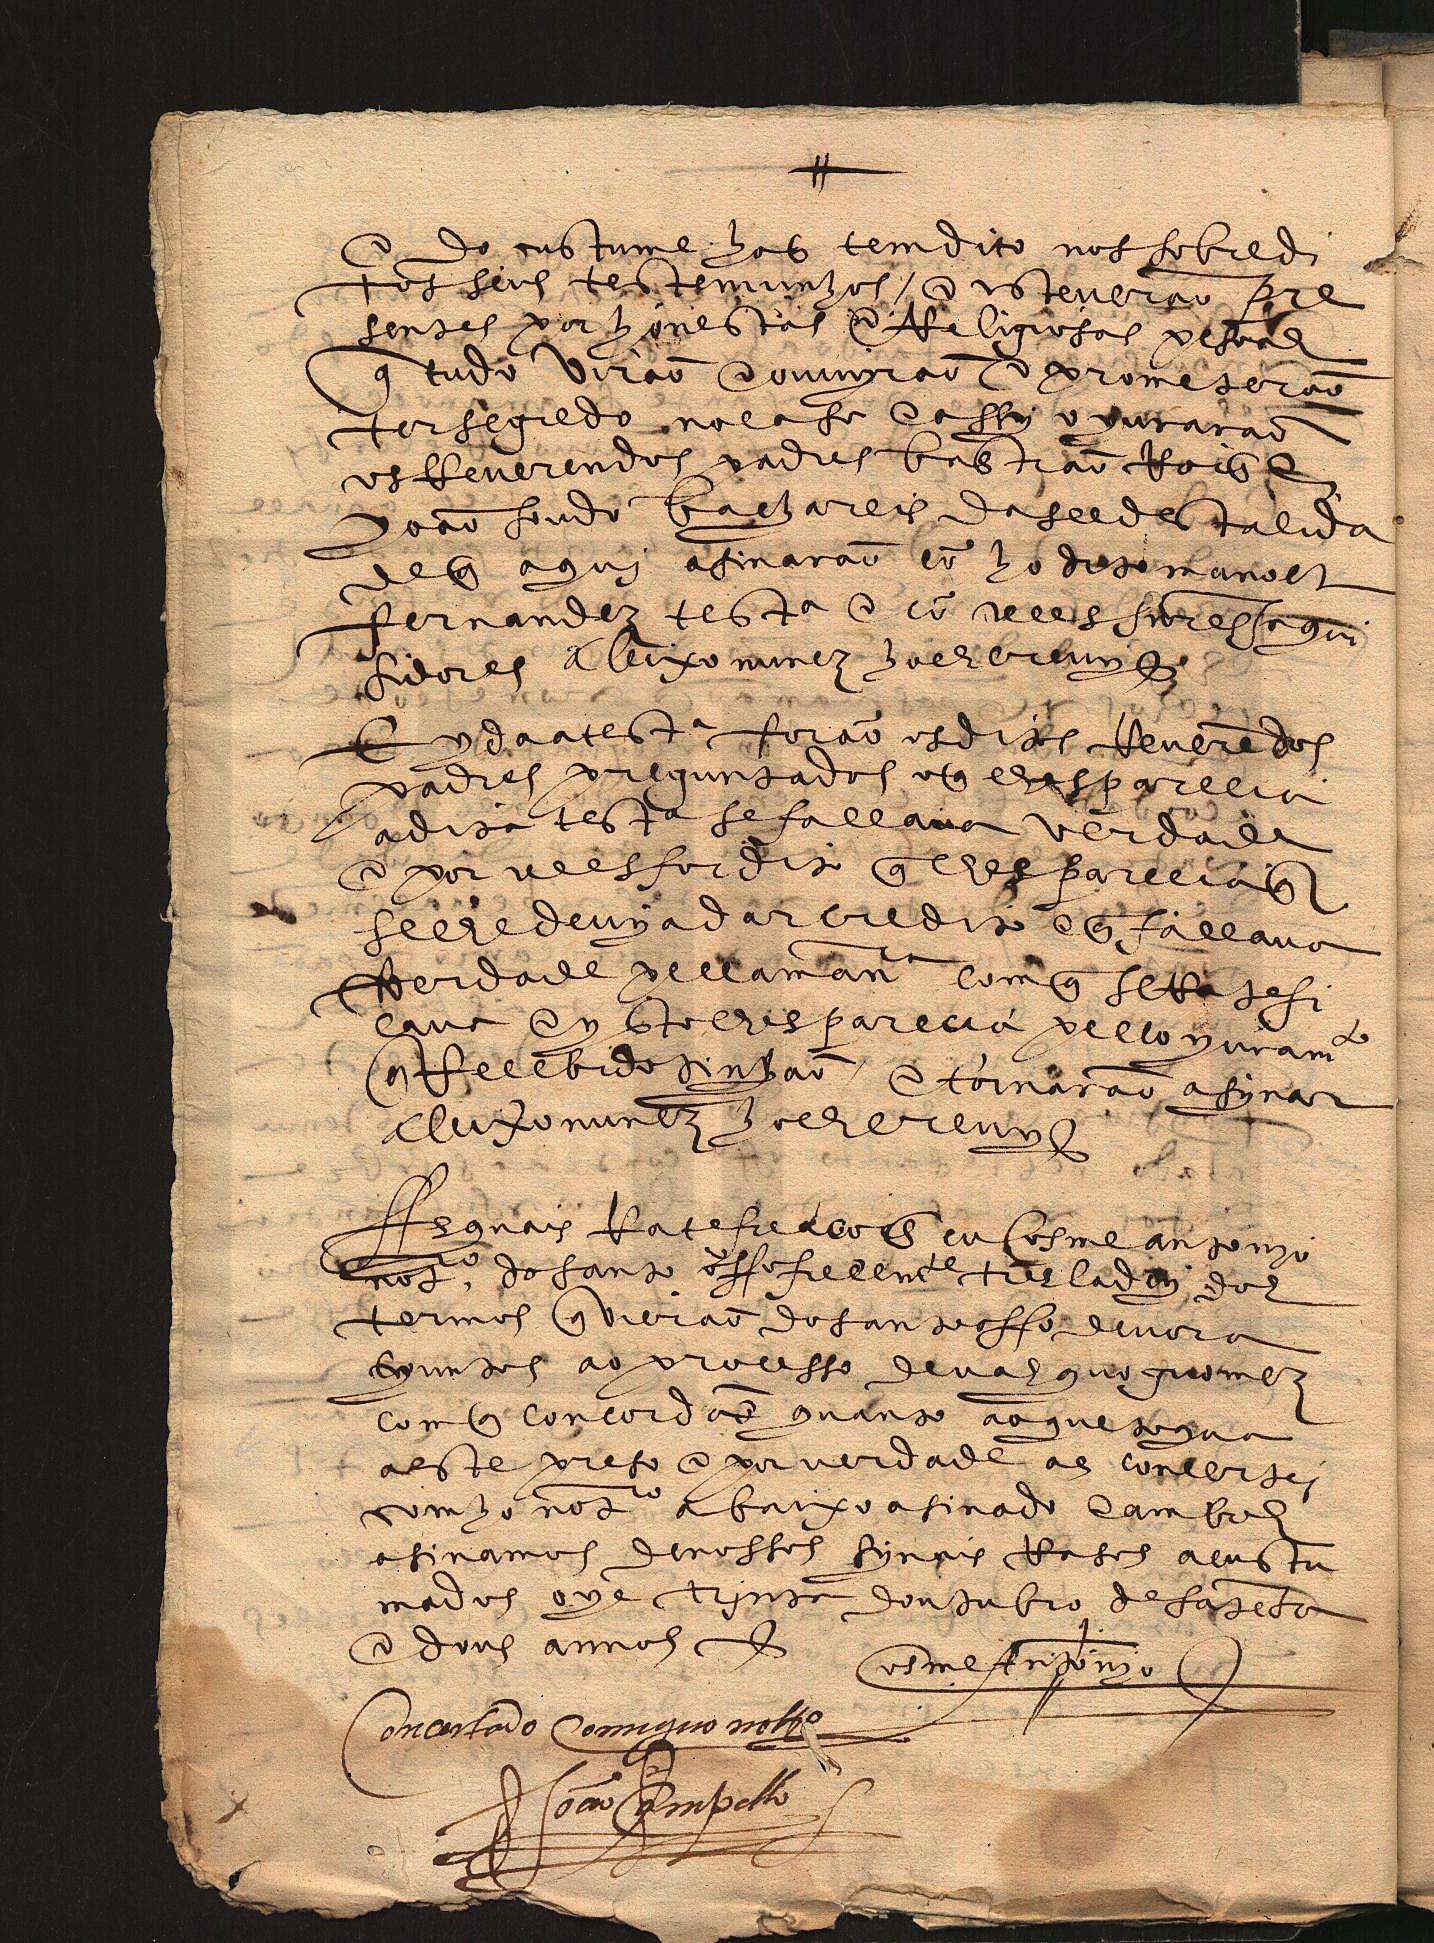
e do custume ho q̄ tem dito nos sobredi
tos seus testemunhos / e esteueraõ pre
sentes por honestas e Religiosas pesoas
q̄ tudo viraõ e ouuyraõ e prometerão
ter segredo no caso e assy o yuraraõ
os Reuerendos padres bastiaõ Roiz̄ e
Yoão soudo bachareis da see desta cida
de q̄ aquj asinaraõ cō ho dito manoel
fernandez testa e cō elles snrēs Jnqui
sidores aleixo nunez ho escreuy
E yda a testa foraõ os ditos Reuerēdos
padres preguntados o q̄ lhes parecia
a dita testa se fallaua verdade
e por elles foi dito q̄ lhes parecia q̄
se lhe deuya dar credito e q̄ fallaua
verdade pella manra com q̄ se Ratefi
caua e ysto lhes pareçia pello yuramto
q̄ Recebido tinhaõ / e tornaraõ asynar
aleixo nunez ho escreuy
As quais Rateficaçoẽs eu Cosme antonjo
notro do santo offo fiellmte tresladey dos
termos q̄ vieraõ do santo offo deuora
yuntos ao processo de uasquo guomez
com q̄ concordão quanto ao que toqua
a este preso e por uerdade as concertej
com ho notro abaixo asinado e ambos
asinamos de nossos synais Rasos acustu
mados oye trjnta doutubro de satēta
e dous annos
Concertado Comiguo notro
